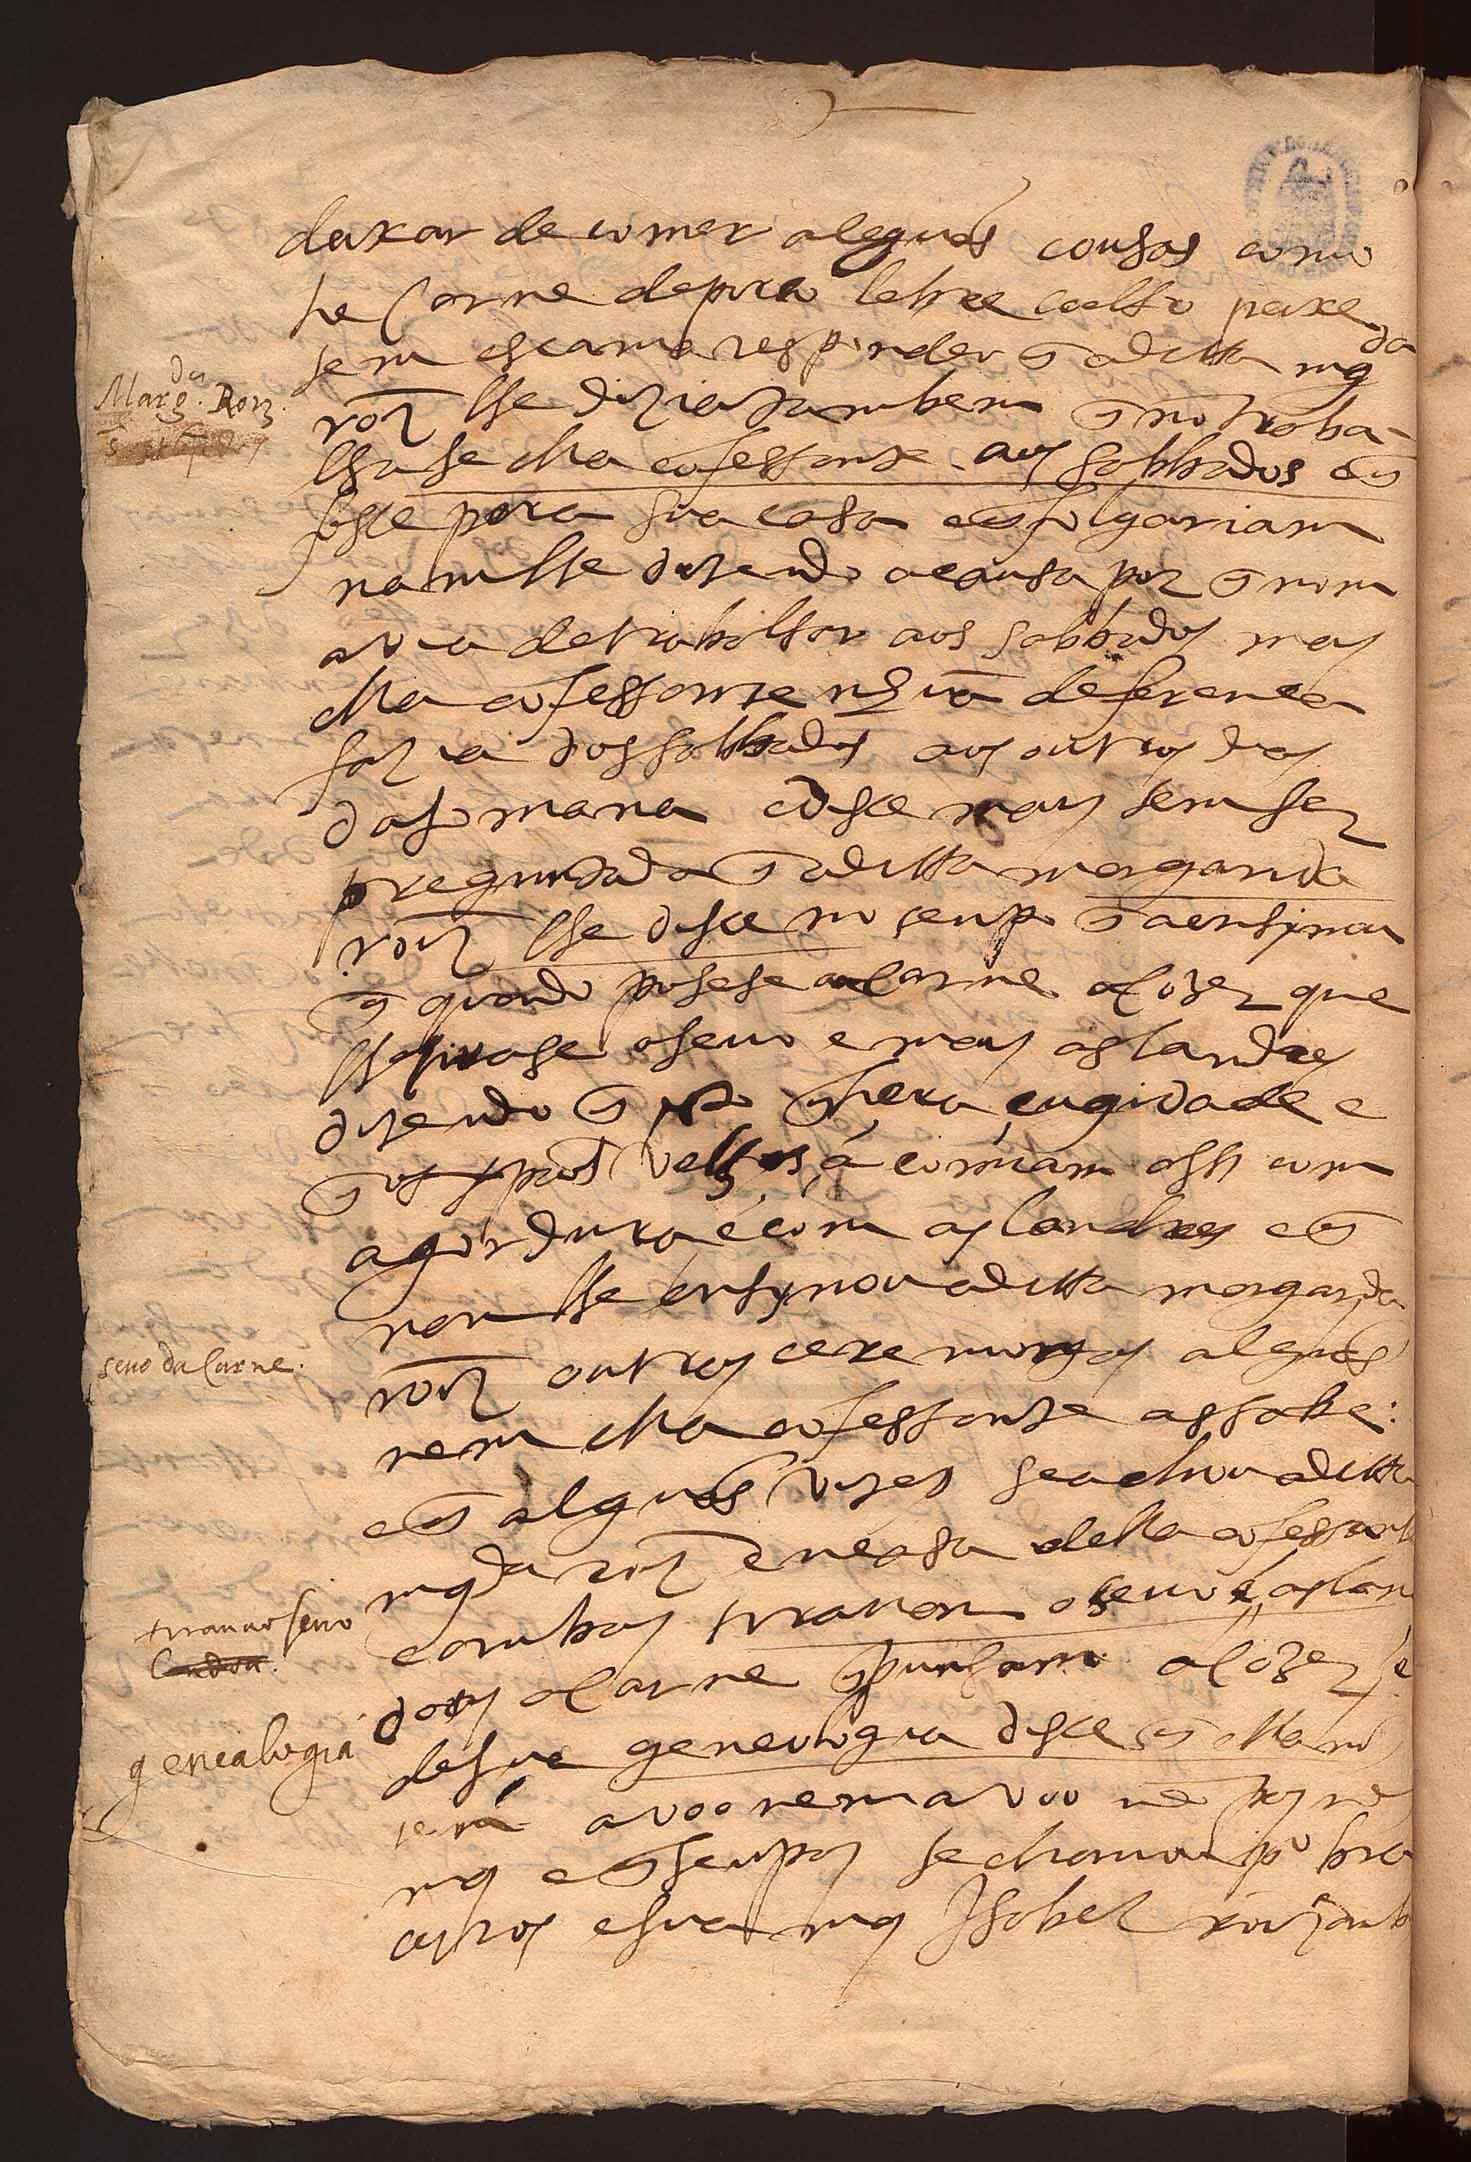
deixar de comer allguas̄ cousas como
he Carne de porco lebree coelho peixe
sem escama respondeo q̄ a ditta mgda
rōz lhe dizia tambem q̄ nō traba
lhase ella cōfessante aos sabbados e q̄
fosse pera sua casa e q̄ folgariam
nam lhe dizendo a causa por q̄ nom
avia de trabalhar aos sabbados mas
ella cōfessante nhūa deferenca
fazia dos sabbados aos outros dias
da somana e disse mais sem ser
preguntada q̄ a ditta margarida
roīz lhe disse no tenpo q̄ a ensynou
q̄ quando posese a carne a Cozer que
lhe tirase o seuo e mais as landres
dizendo q̄ isto q̄ hera çugidade e
q̄ os xpaõs velhos á comiam assi com
a gordura e com as landoes e q̄
nan lhe ensynou a ditta margarjda
rōiz outras ceremonjas alguās
nem ella cofessante as sabe:
e q̄ alguās vezes se achou a ditta
mgda roīz en casa della cofessante
e ambas tirauan o seuo ē as lan
doas a carne q̄ punham a cozer e
de sua geneologia disse q̄ ella nō
terá avoo nem avoo nē paj nē
maj e q̄ seu paj se chamou po bra
cejros e sua maj Jsabel rōiz anb
